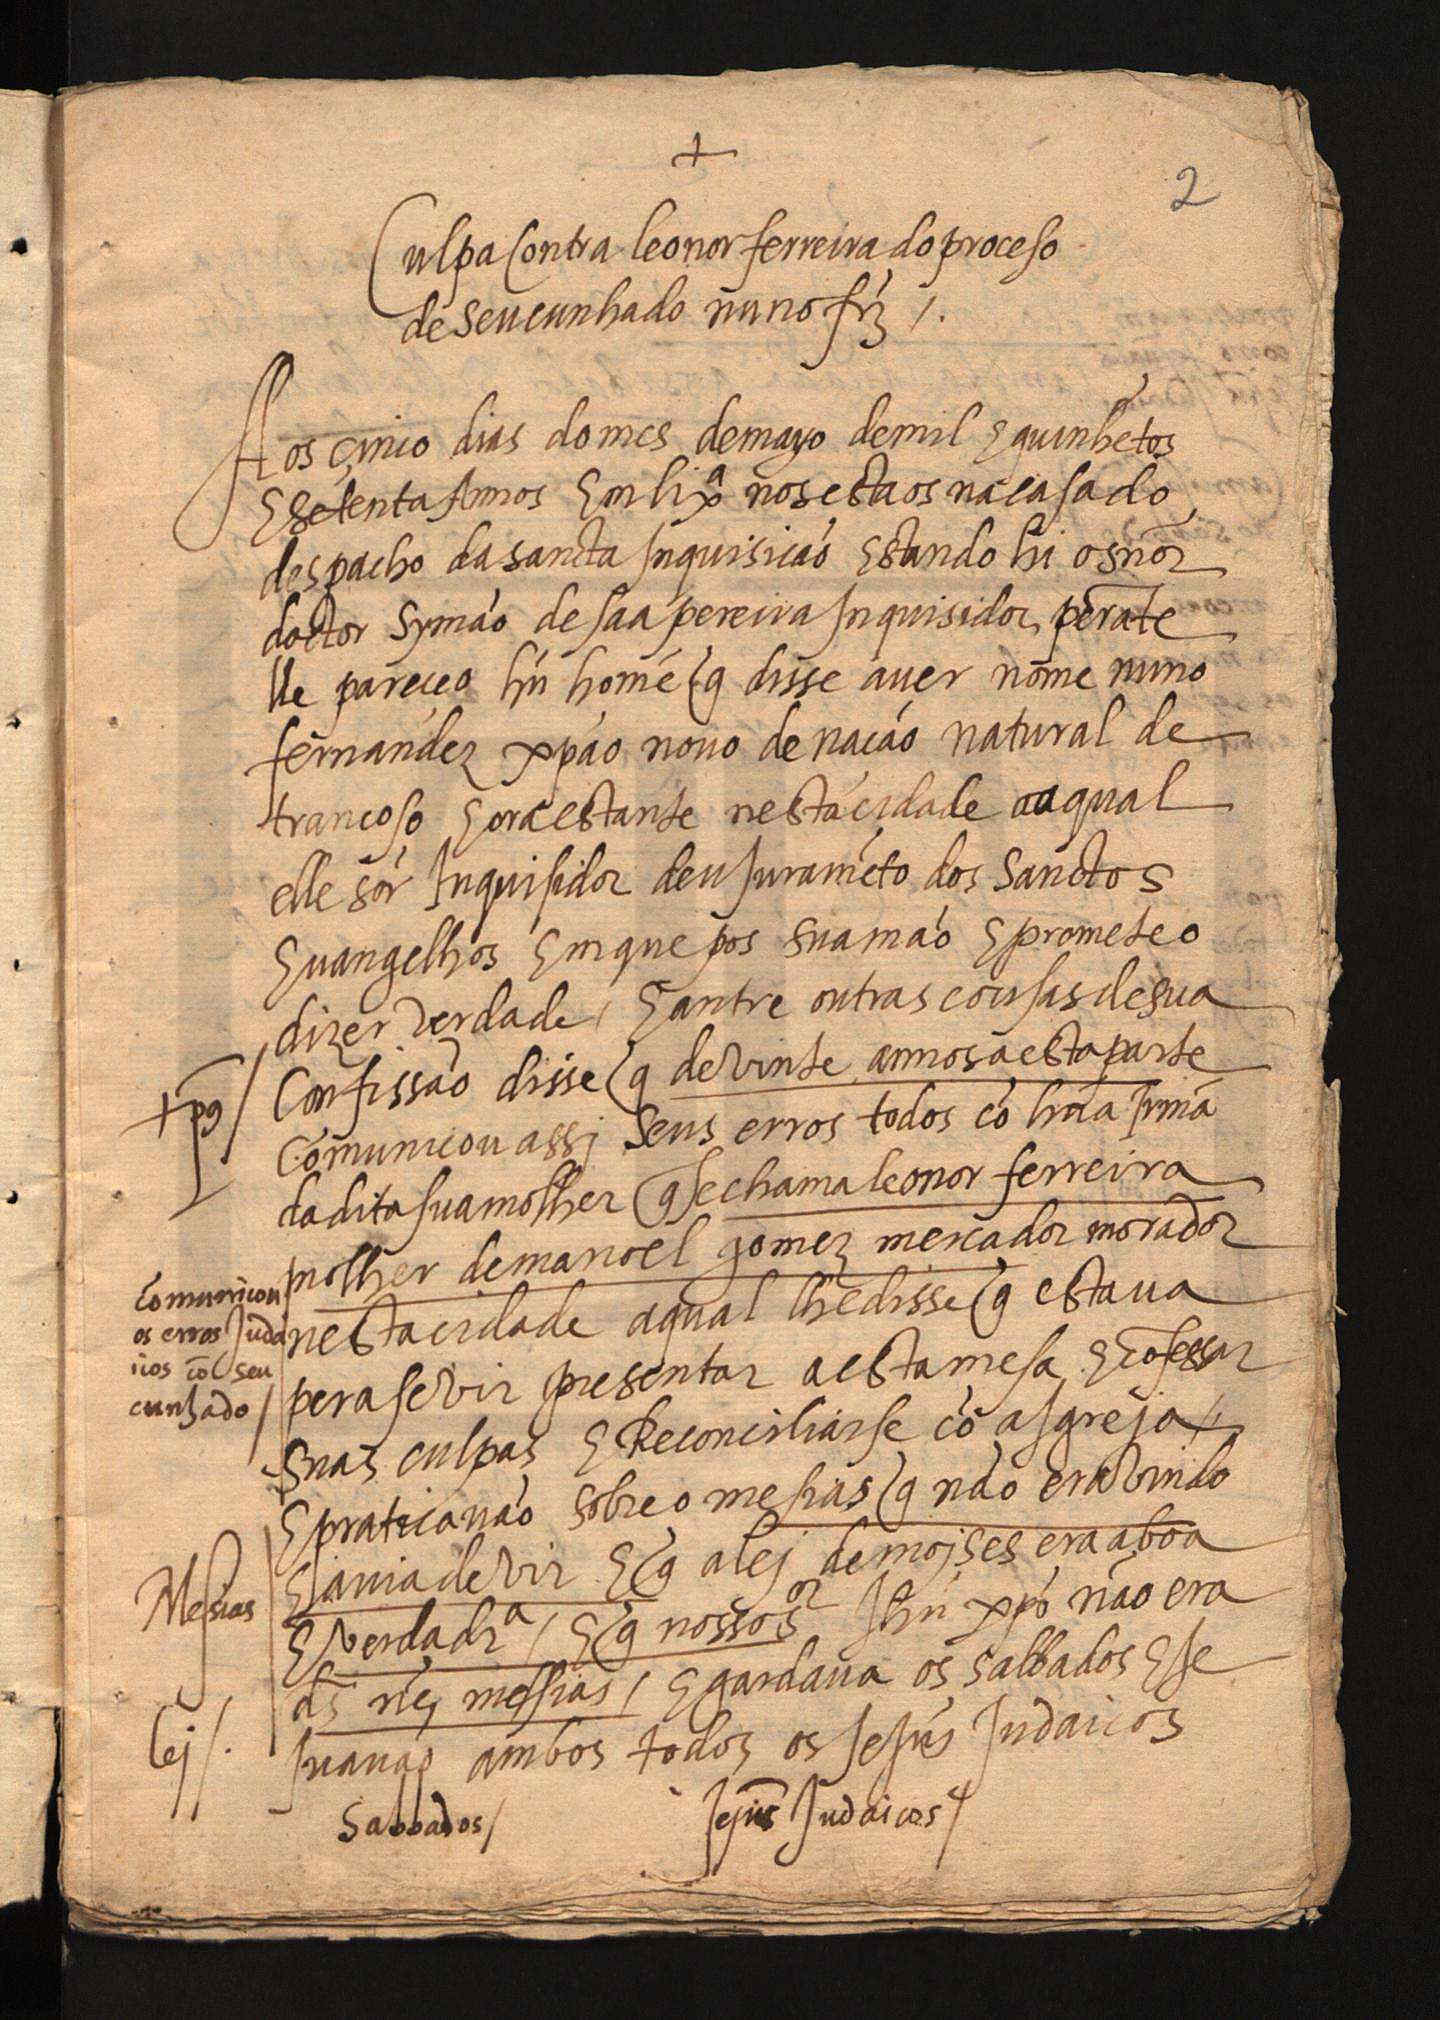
Culpa Contra leonor ferreira do proceso
de seu cunhado nuno frz̅ /.
Aos çinco dias do mes de mayo de mil E quinhe̅tos
E setenta Annos Em lixa nos estaos na casa do
despacho da sancta Jnquisicão Estando hi o sn̅or
doctor Symão de saa pereira Jnquisidor pe̅rate
lle pareçeo hu̅ home̅ q̅ disse auer nome nuno
fernandez xpão nouo de nação natural de
trancoso E ora estante nesta cidade aa qual
elle so̅r Jnquisidor deu Jurame̅to dos Sanctos
Euangelhos Em que pos sua maõ E prometeo
dizer verdade, E antre outras cousas de sua
confissão disse q̅ de vinte annos a esta parte
co̅municou assj Seus erros todos co̅ hu̅a jrmã
da dita sua molher q̅ se chama leonor ferreira
molher de manoel gomez mercador morador
nesta cidade a qual lhe disse q̅ estaua
pera se vir presentar a esta mesa E co̅fessar
suas culpas E Reconciliarse co̅ a Jgreja
E praticauão sobre o messias q̅ não era vindo
E auia de vir E q̅ a lej de mojses era a boa
E verdadra / E q̅ nosso sor Jhu̅ xpo̅ não era
d̅s ne̅ messias / E gardaua os sabbados E je
Juauão ambos todos os Jeju̅s Judaicos
